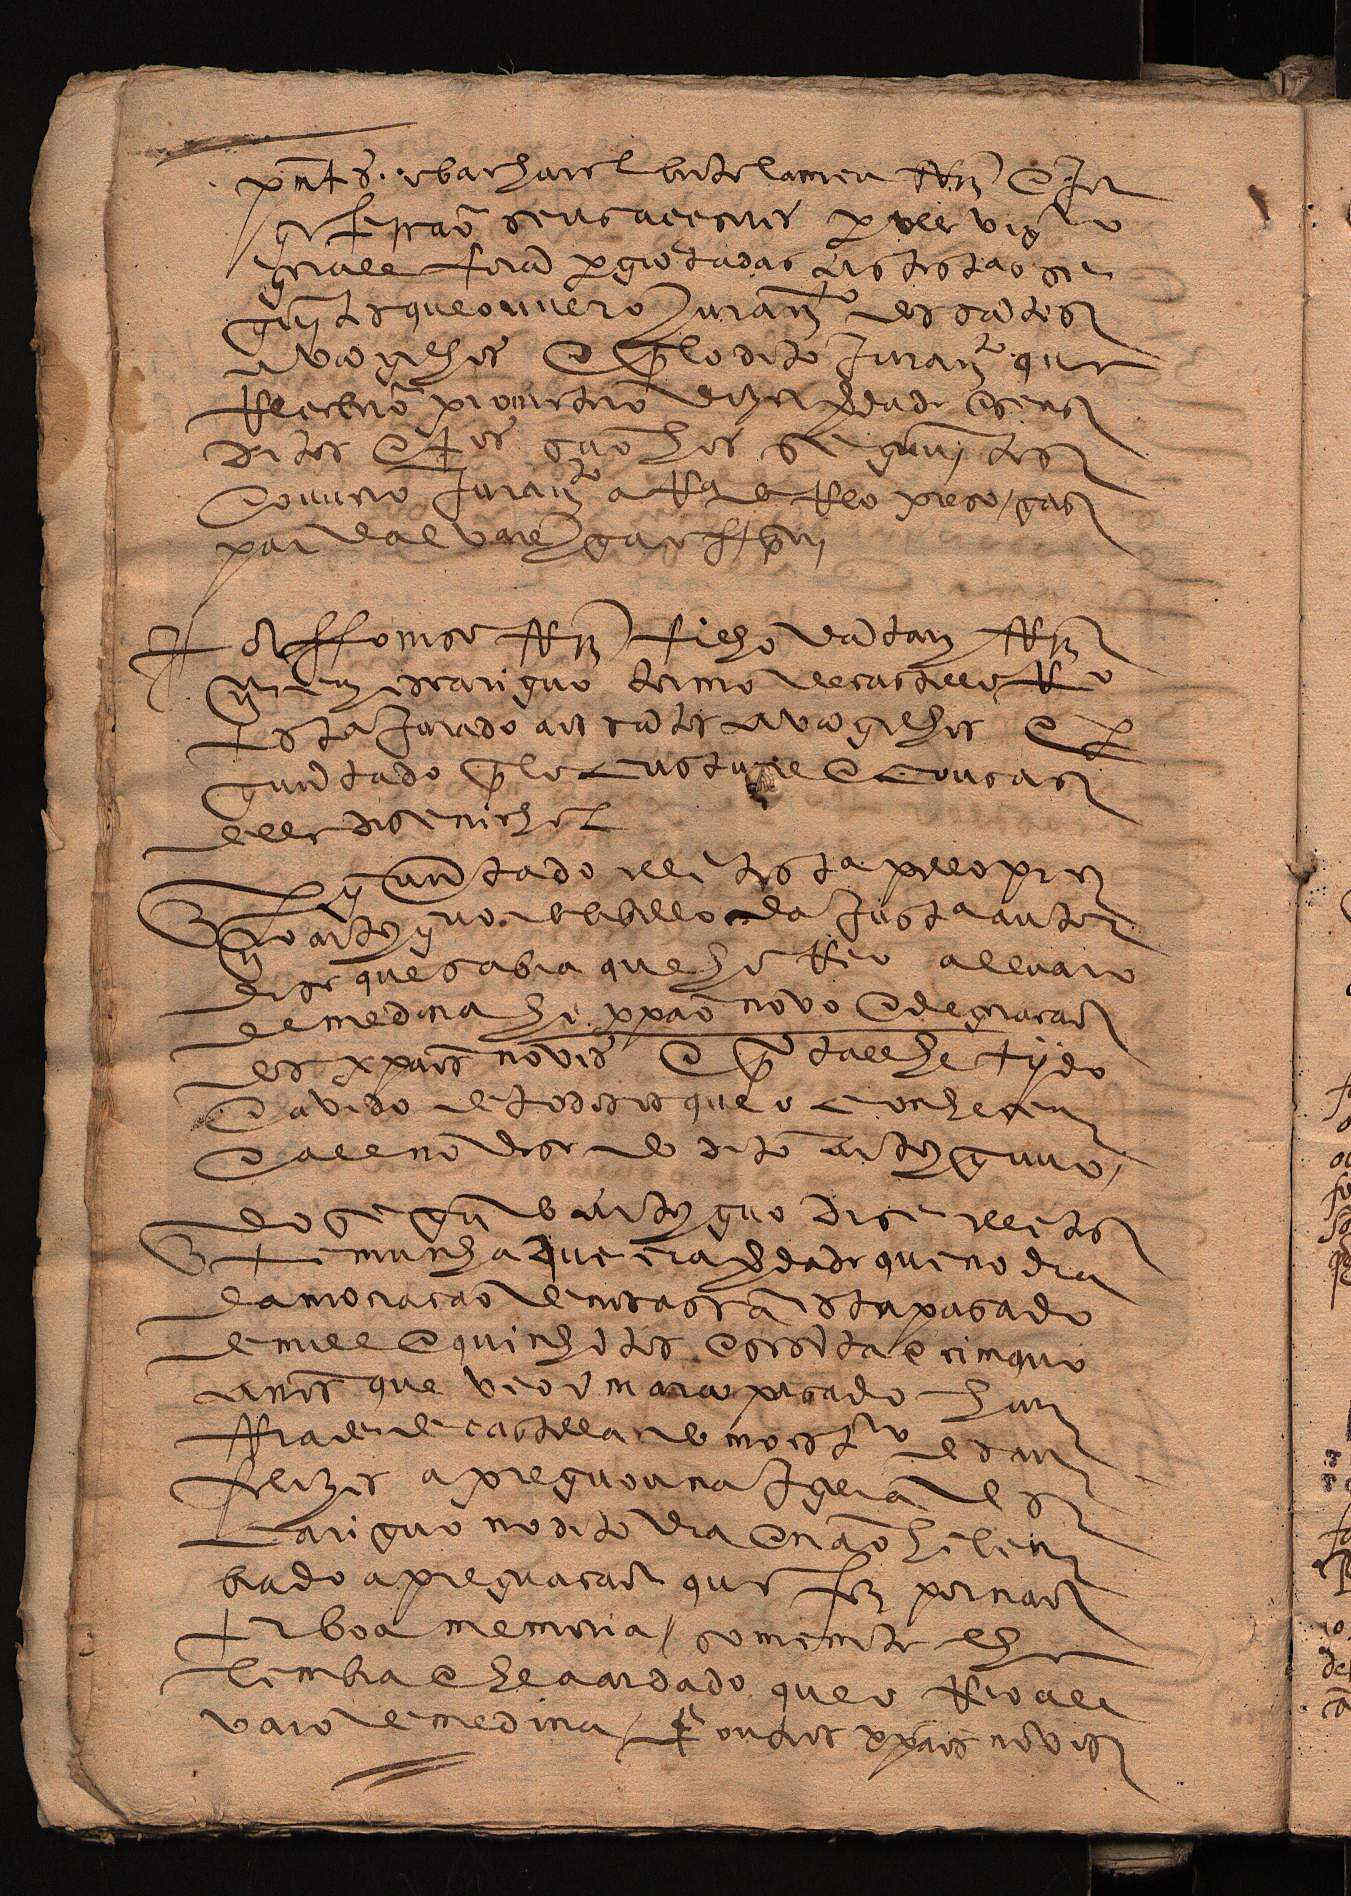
pm̄t 8. o bacharel bertolameu ffrz̄ e Jor
ge ferraõ seus acesores ꝑ elle vigro
gerall fora̅ ꝑgūtadas as testas se
guj̄tes que ouuerō Juramto dos sātos
avāgelhos e p̄lo dito Juramto que
Receberō prometerō dizer ꝟdade e seus
Ditos e tos saõ hos seguuj̄tes
e ouuerō Juramto a Ra do Reo preso / gas
par dalvarēga o stp̄vj
item Affomso ffr̄z filho dātam ffrz
mor em escariguo termo de castello Ro
testa Jurado aos sātos avāgelhos e ꝑ
guūtado p̄lo custume e cousas
delle dise nicheL
item ꝑguūtado elle testa pello pry
mro artyguo do libello da Justa autor
dise que sabia que ho Reo alluaro
de medina he xpaõ novo e de geracaõ
dos xpaõs novis e p̄o tall he tydo
e avido de todos os que o conhecem
e all nō dise do dito artyguuo/
item do segūdo artyguo dise elle tes
temunha que era ꝟdade que no dia
danūciacaõ de nosa srā esta pasado
de mill e quinhētos e sese̅ta e cimquo
anōs que veo ē marco pasado hum
ffrade de castella do moestro de sam
felizes apreguou na Jgreia des
Cariguo no dito dia e não he lem
brado a preguacaõ que fez por naõ
ter boa memoria / somemte lhe
lembra e he acordado que o Reo all
varo de medina / ꝑ outros xpãos novos
